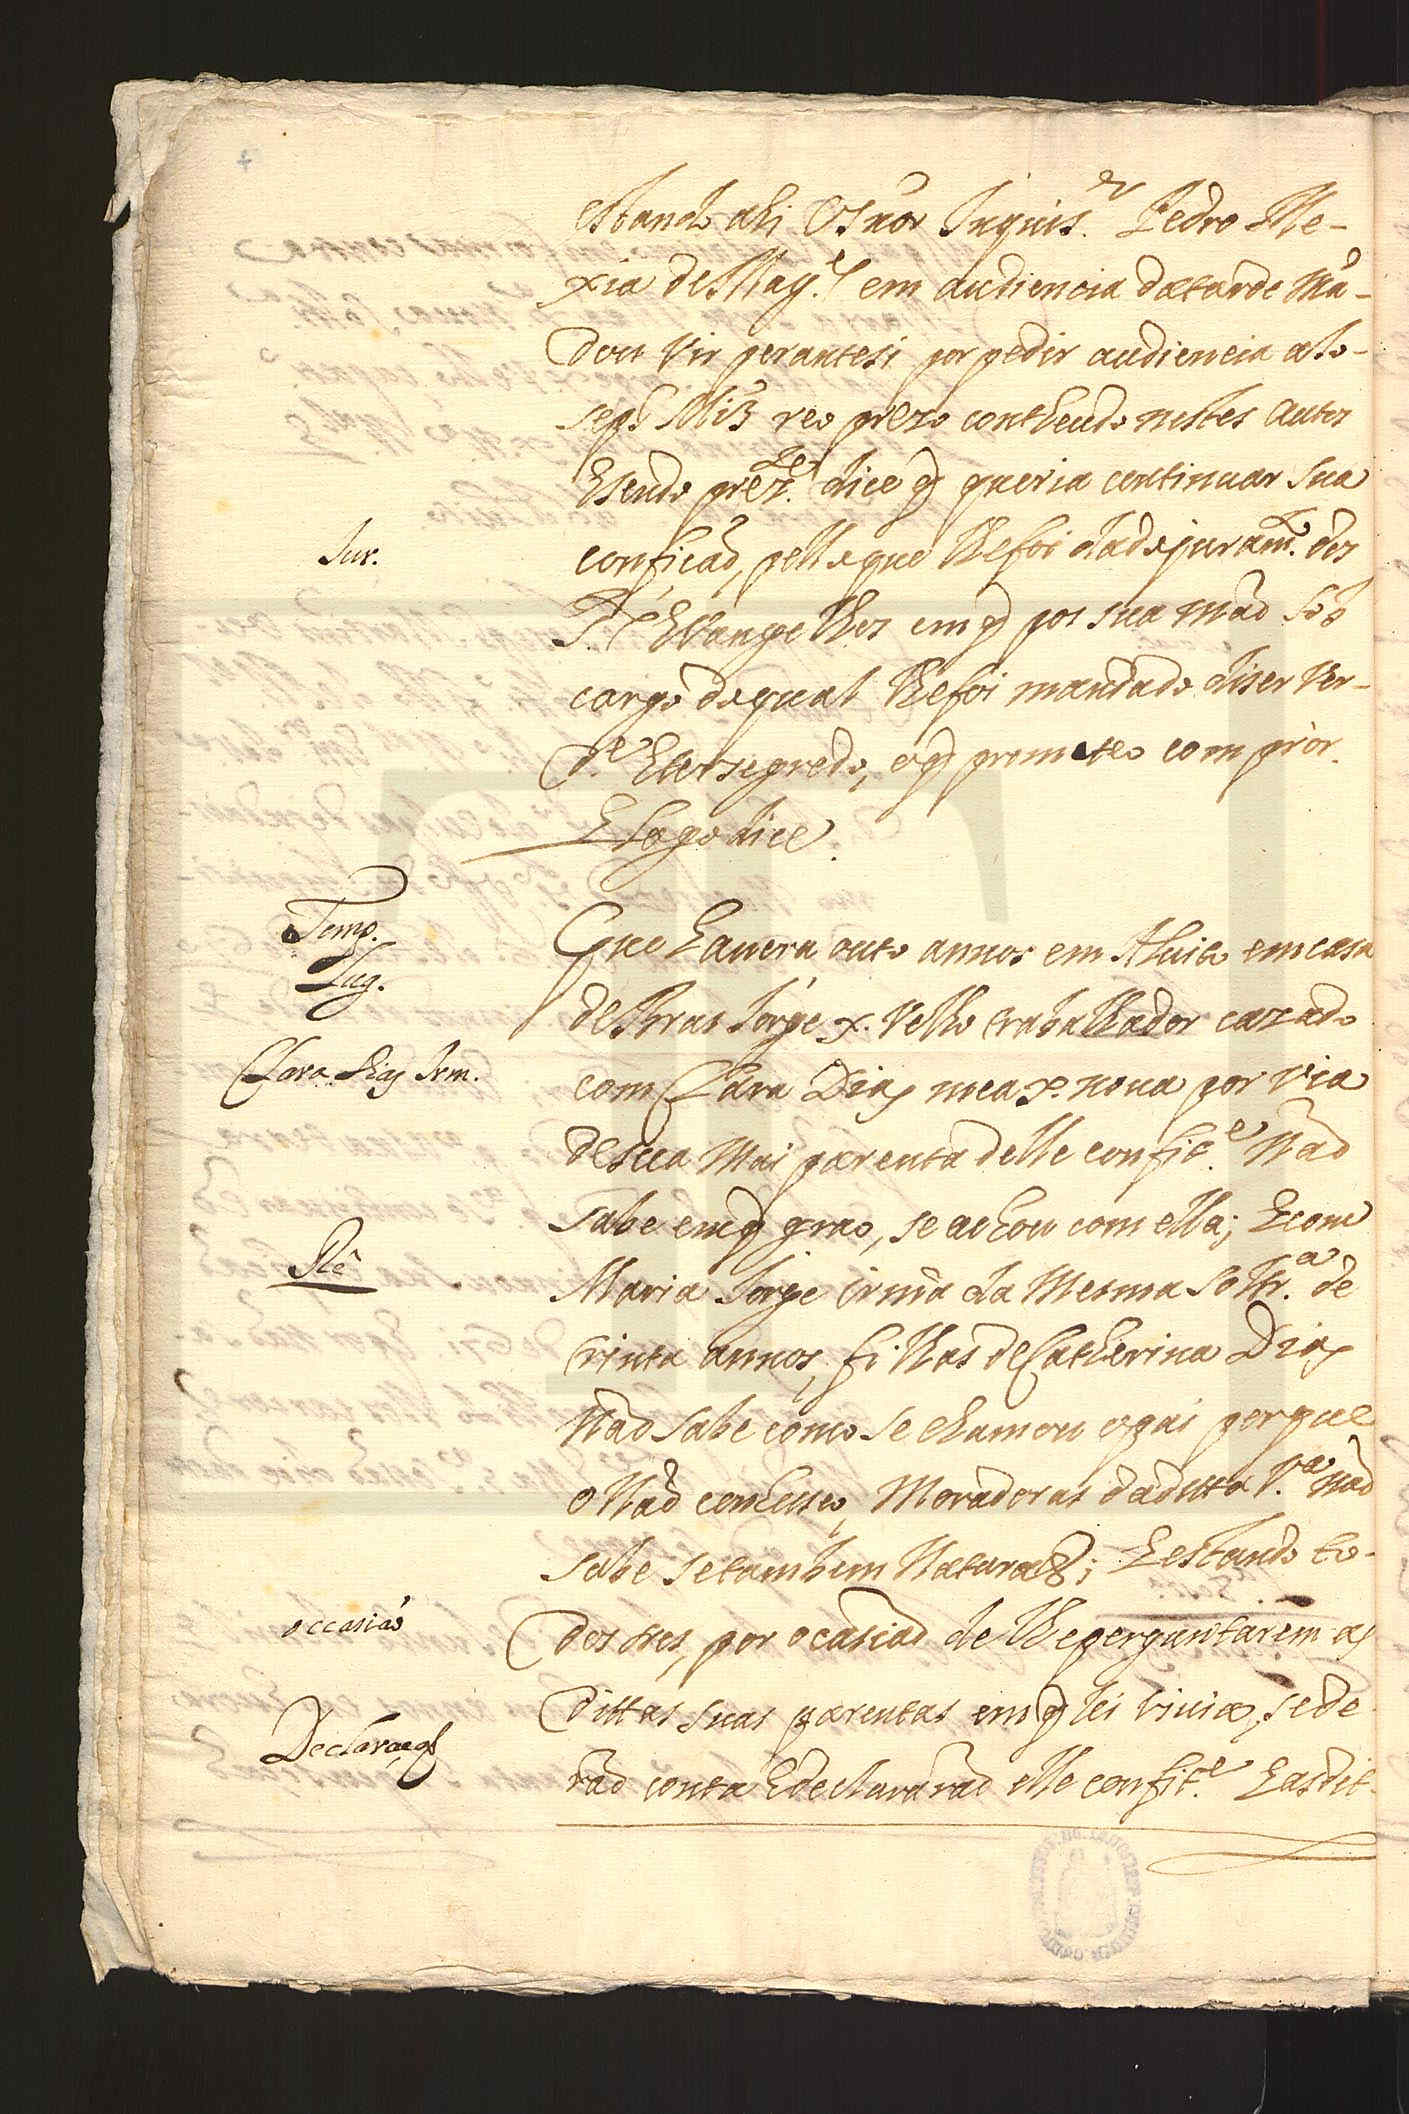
estando ahi O Sn̄or Inquis.or Pedro Me
xia de Mag.es em audiencia da tarde Mā
dou Vir perante si por pedir audiencia a Io
seph Miz̄ reo prezo contheudo nestes autoz
E sendo prez.te dice q̄ queria continuar sua
confiçaõ, pello que lhe foi dado juram.to doz
Iur.
s.tos Evangelhos em q̄ pos sua maõ sob
cargo do qual lhe foi mandado dizer ver
d.e E ter segredo, o q̄ prometeo comprir.
E logo dice.
Temp.
Lug.
Que hauera, outro annos em Aluito em casa
de Bras Iorge x. Velho trabalhador cazado
Clara Dias Irm.
com Clara Dias mea x. noua por Via
de sua Mai parenta delle confit.e Naõ
sabe em q̄ grao, se achou com ella; E com
Rê
Maria Iorge irmã da Mesma soltr.a de
trinta annos, filhas de Catherina Dias
Naõ sabe como se chamou o pai porque
o Naõ conhesseo, Moradoras da ditta V.a naõ
sabe se também Naturaes; E estando to
occasiaõ
dos tres, por ocasiaõ de lhe perguntarem as
dittas suas parentas em q̄ lei viuia, se de
Declaração
rão conta E declararão elle confit.e E as dit
